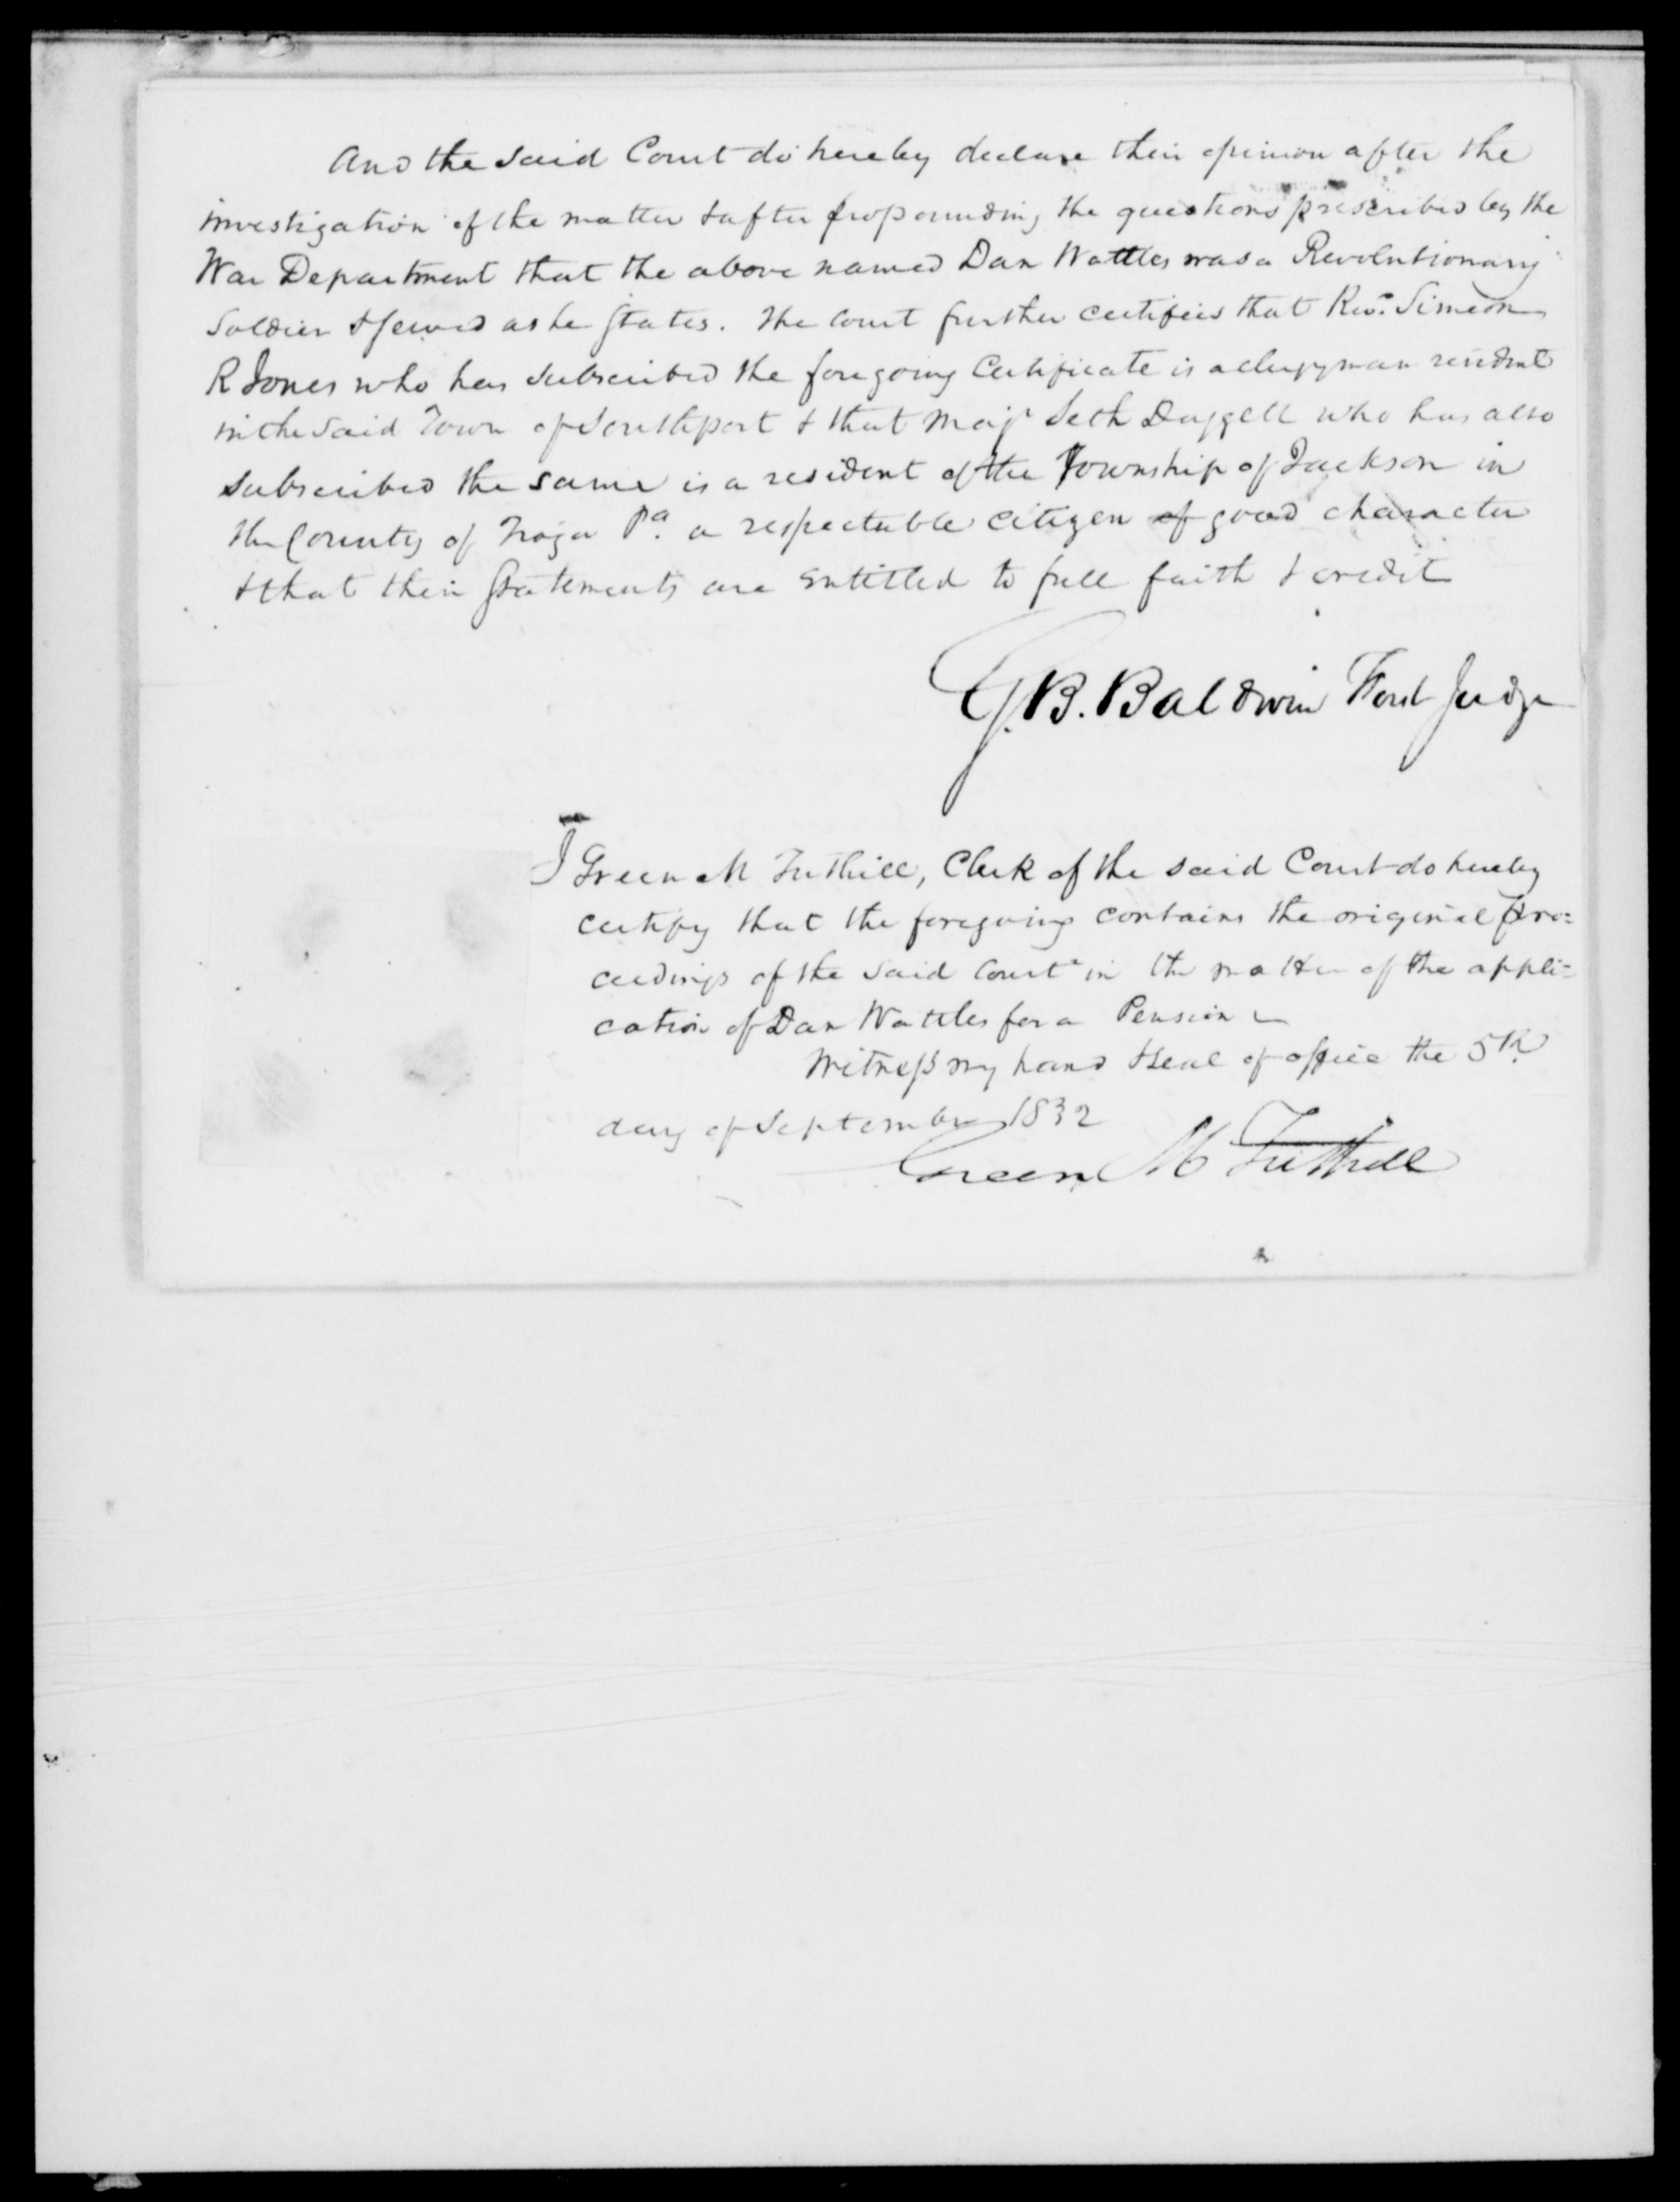and the said Court do hereby declare their opinion after the investigation of the matter & after propounding the questions proscribed by the War Department that the above named Dan Wattles was a Revolutionary soldier & find as he states.  The court further certifies that Rev. Simeon R. Jones who has subscribed the foregoing certificate is a clergyman resident within said Town of Southport & that Major Seth Daggett who has also subscribed the same is a resident of the Township of Jackson in the county of Tioga Pa, a respectable citizen of good character & that their statements are entitled to fill faith & credit.

G. B. Baldwin  First Judge

I, Green M Tuthill, Clerk of the said court do hereby certify that the foregoing contains the original proceedings of the said court in the matter of the application of Dan Wattles for a Pension.

Witness my hand & seal of office the 5th day of September 1832
Green M Tuthill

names: Simeon R Jones, Green M Tuthill, Seth Daggett, Dan Wattles, G B Baldwin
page: 24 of 70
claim: widow's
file: W. 3743, Dan Wattles, Conn.